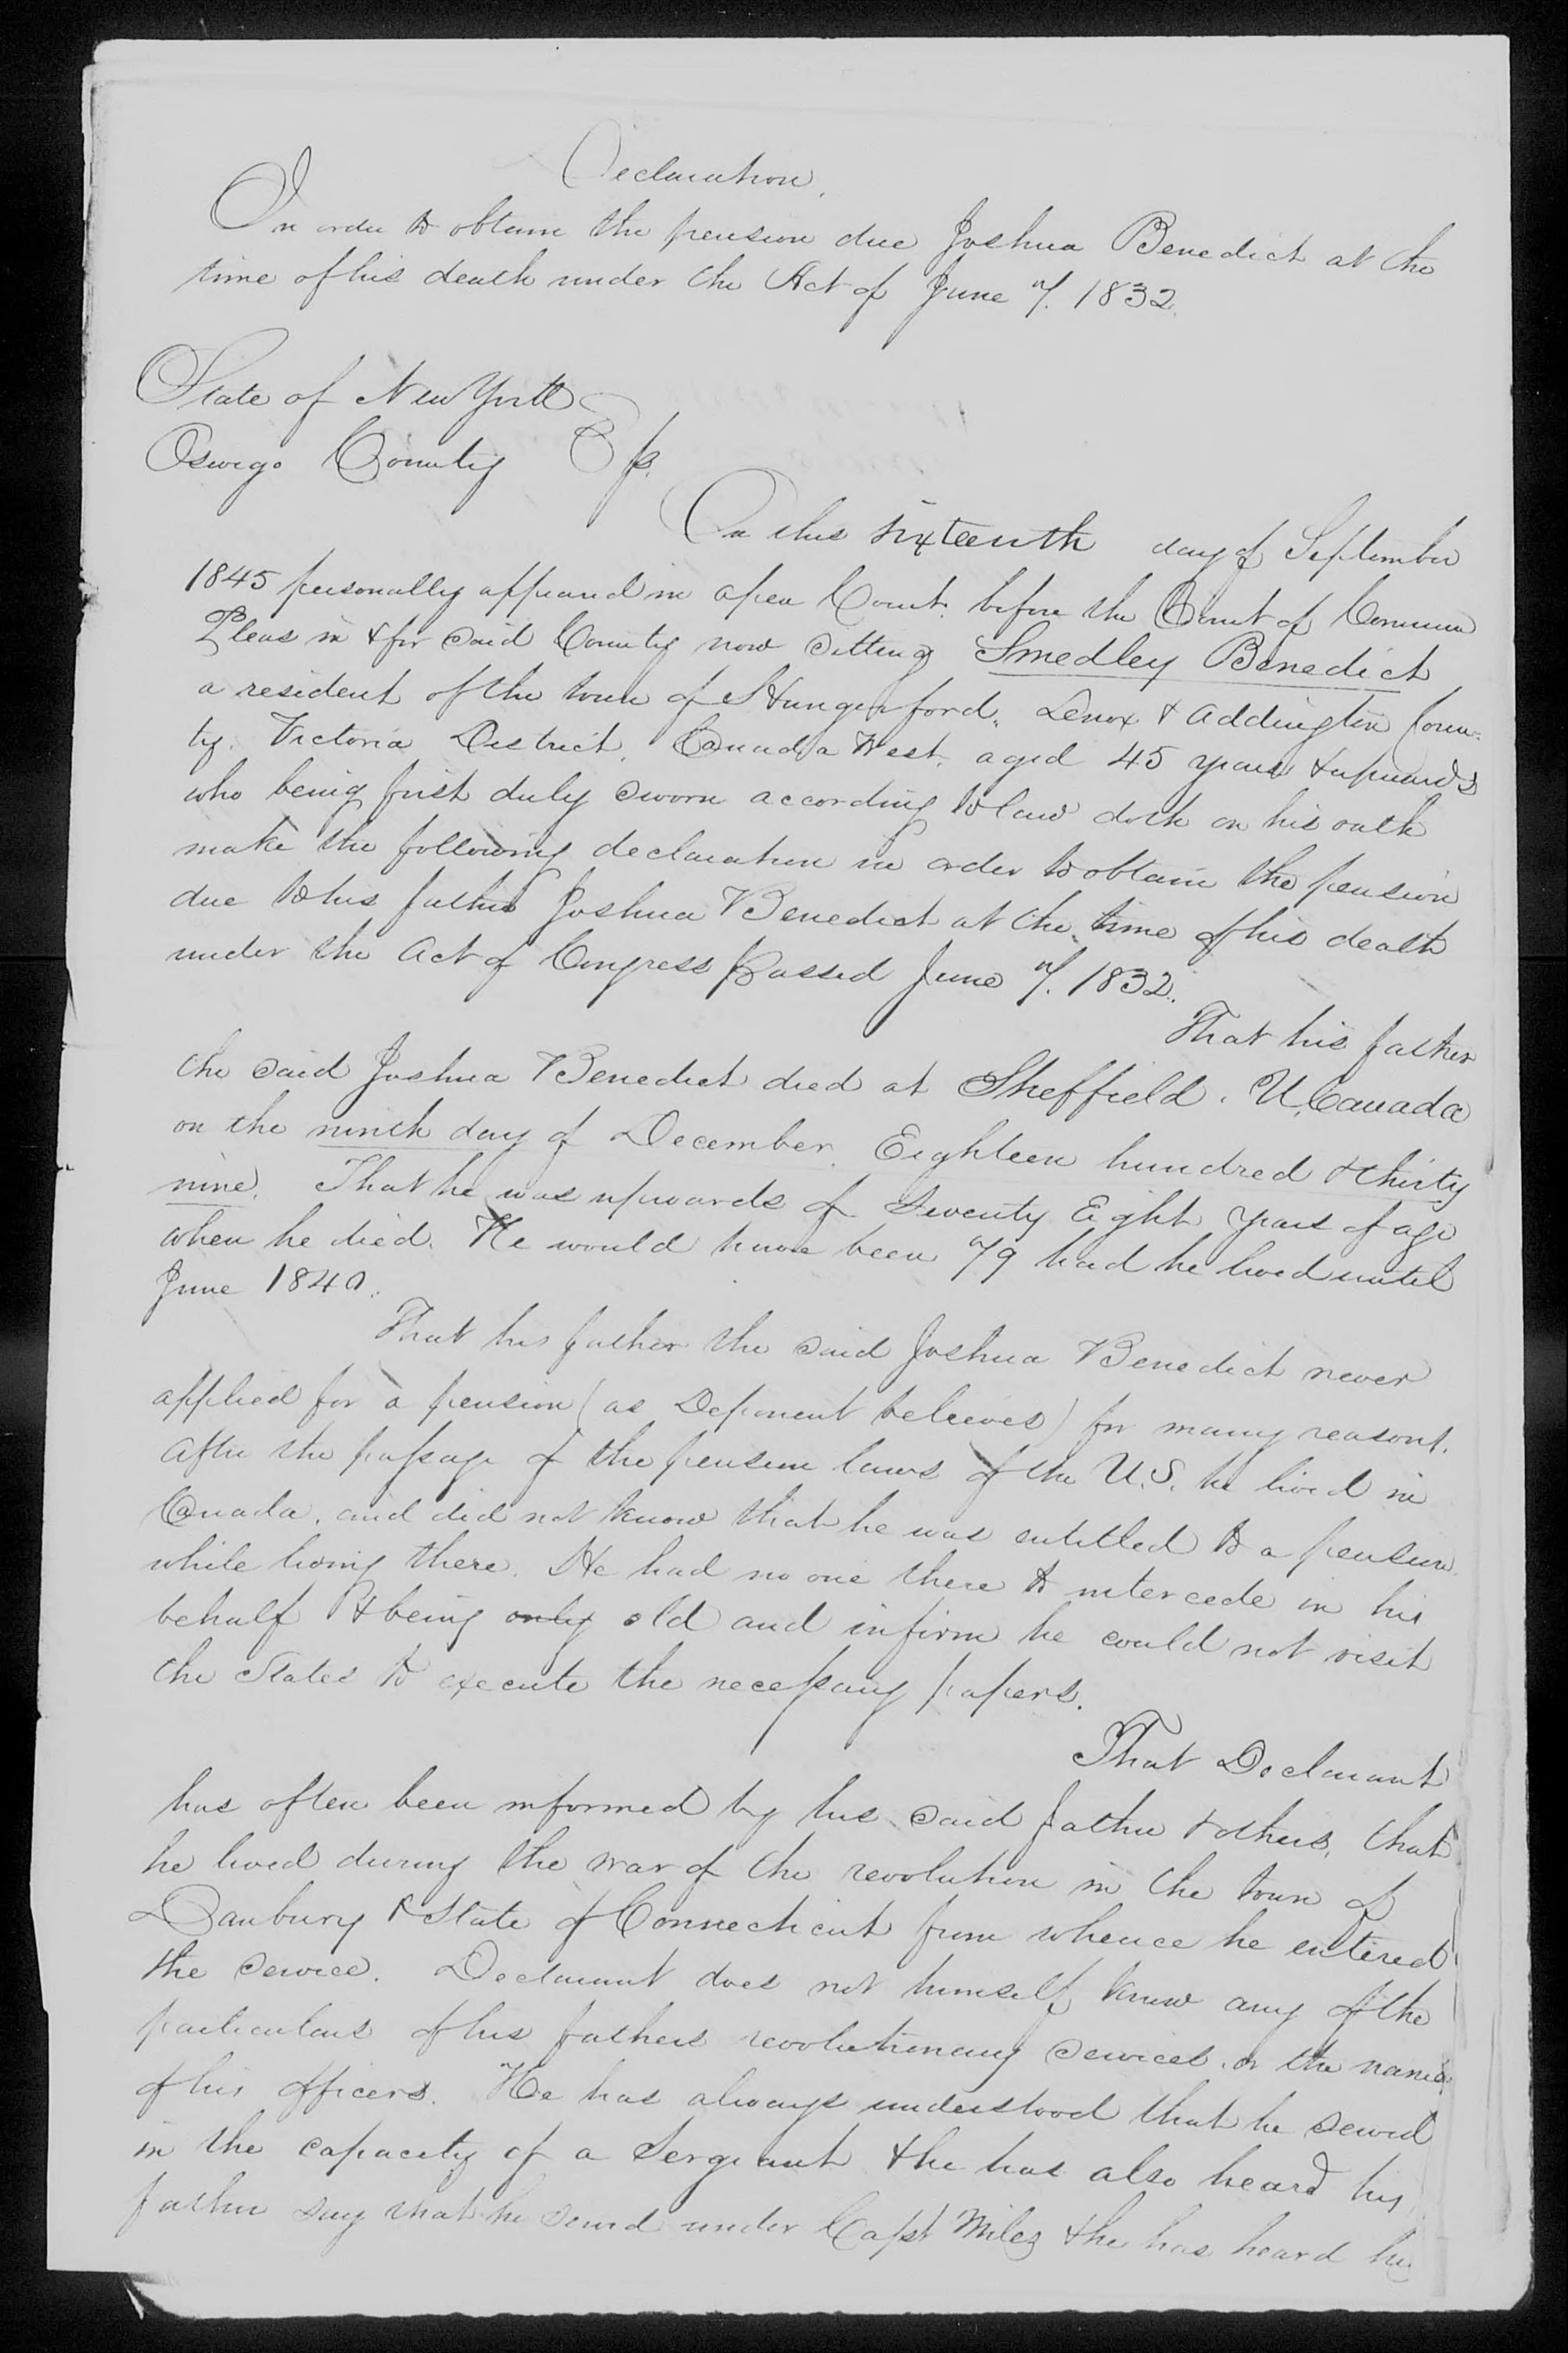Declaration.
In order to obtain the pension due Joshua Benedict at the time of his death under the Act of June 7. 1832.

State of New York
Oswego County Ss.
On this sixteenth day of September 1845 personally appeared in open Court before the Court of Common Pleas in & for said County now sitting Smedley Benedict a resident of the town of Hungerford, Lenox & Addington County Victoria District, Canada West, aged 45 years & upwards who being first duly sworn according to law doth on his oath make the following declaration in order to obtain the pension due to his father Joshua Benedict at the time of his death under the Act of Congress passed June 7, 1832.
That his father the said Joshua Benedict died at Sheffield U. Canada on the ninth day of December, Eighteen hundred & thirty nine. That he was upwards of Seventy Eight years of age when he died. He would have been 79 had he lived until June 1849.
That his father the said Joshua Benedict never applied for a pension (as Deponent believes) for many reasons. After the passage of the pension laws of the U. S. he lived in Canada, and did not know that he was entitled to a pension while living there. He had no one there to intercede in his behalf & being only [crossed out] old and infirm he could not visit the States to execute the necessary papers.
That Declarant has often been informed by the said father & others, that he had lived during the war of the revolution in the town of Danbury & State of Connecticut from whence he entered the service. Declarant does not himself know any of the particulars of his fathers revolutionary services or the names of his officers. He has always understood that he served in the capacity of a Sergeant & he has also heard his father say that he served under Capt Miles & he has heard his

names: Joshua Benedict, Joshua Benedict, Smedley Benedict, Joshua Benedict, Joshua Benedict, Miles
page: 4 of 106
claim: survivor's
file: S 23,116., Joshua Benedict, Conn.